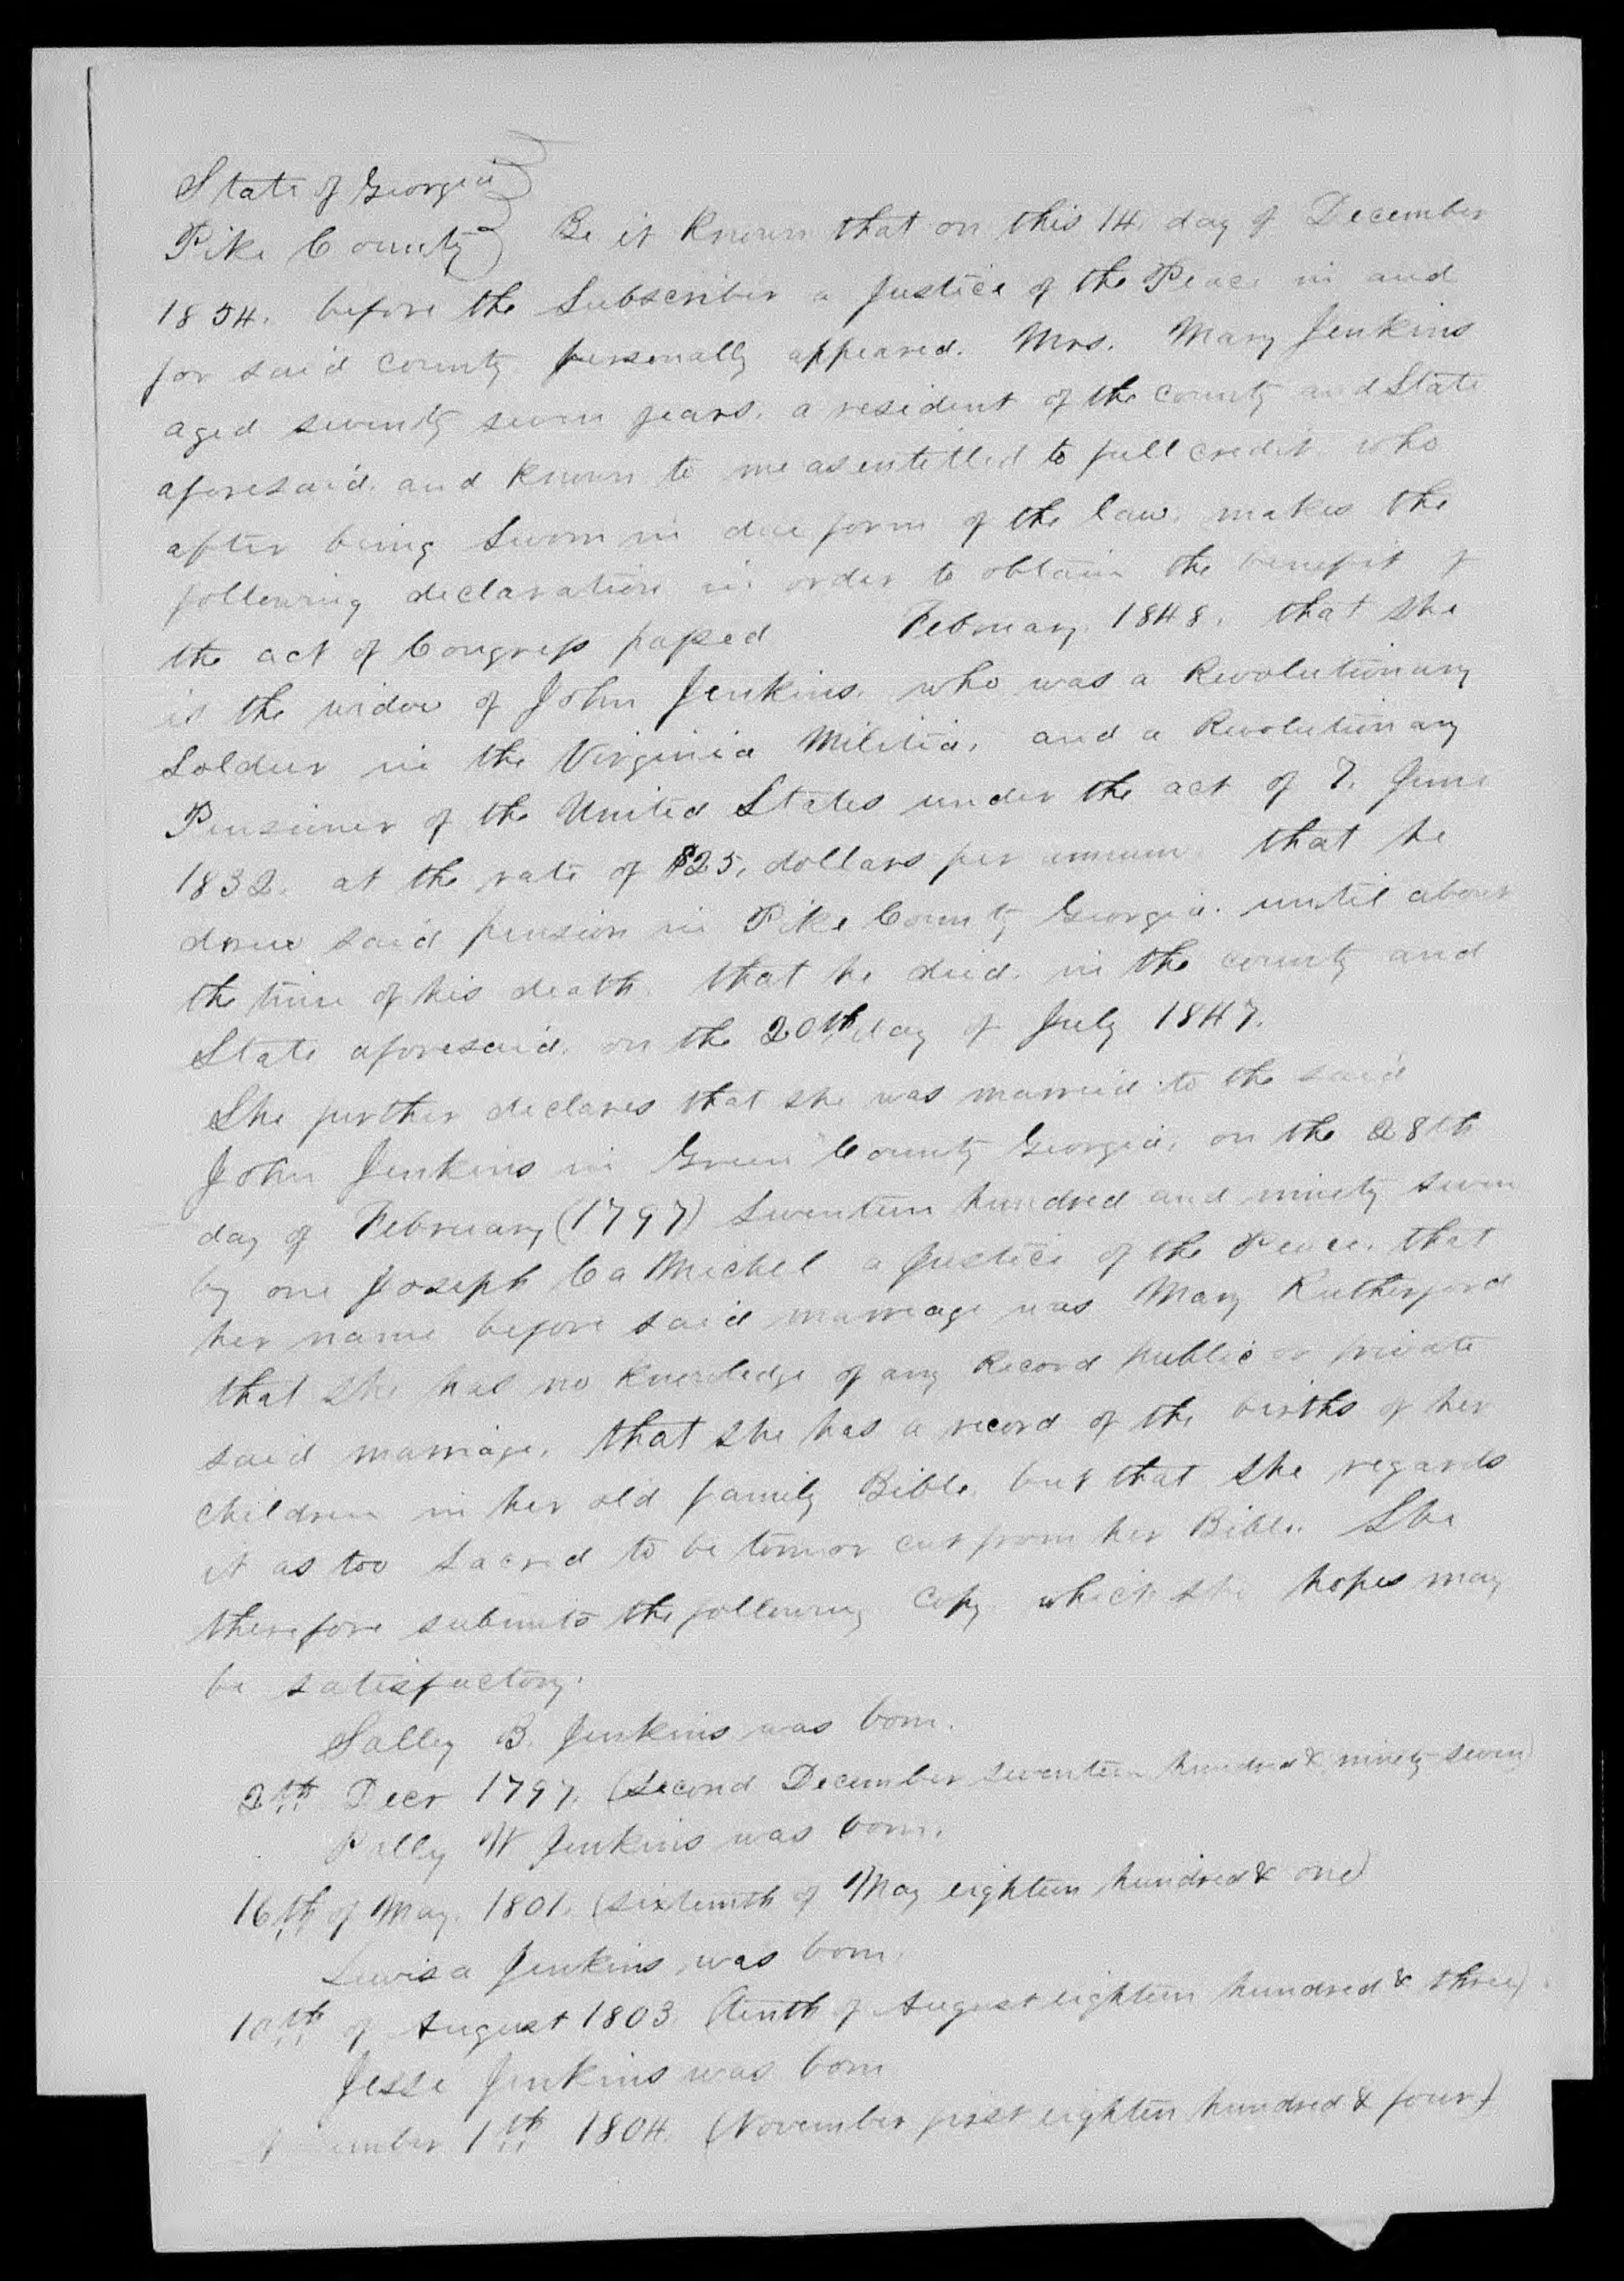State of George
Pike County
Be it known that on this 14 day of December
1854, before the Subscriber a Justice of the Peace in and for said County personally appeared, Mrs. Mary Jenkins aged seventy seven years, a resident of the County and State
aforesaid, and known to me as entitled to full credit who after being sworn in due form of the law makes the following declaration in order to obtain the benefit of the act of Congress passed February 1848, that she
is the widow of John Jenkins who was a Revolutionary Soldier in the Virginia Militia, and a Revolutionary Pensioner of the United States under the act of 7 June 1832, at the rate of $25, dollars per annum, that [illegible]
[illegible] said pension in Pike County Georgia until about the time of his death, that he died, in the County and State aforesaid on the 20th day of July 1847. She further declares that she was married to the said John Jenkins in Green County Georgia, on the 28th day of February (1797) Seventeen hundred and ninety seven
by one Joseph Ca Michel Justice of the peace that her name before said marriage was Mary Rutherford that she has no knowledge of any Record public or private
said marriage, that she has a record of the births of her children in her old family Bible but that she regards it as to Sacred to be torn or cut from her Bible. She therefore submits the following copy which she hopes may
be satisfactory.
Sally B. Jenkins was born 2th Decr 1797, (Second December seventeen hundred & ninety seven)
Polly W Jenkins was born 16th of May, 1801. (sixteenth of May eighteen hundred & one)
Lewisa Jenkins was born 10th of August 1803 (tenth August eighteen hundred & three)
Jesse Jenkins was born November 1st 1804 (November first eighteen hundred & four)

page: 11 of 55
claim: widow's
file: W. 7894, for John Jenkins, Virginia